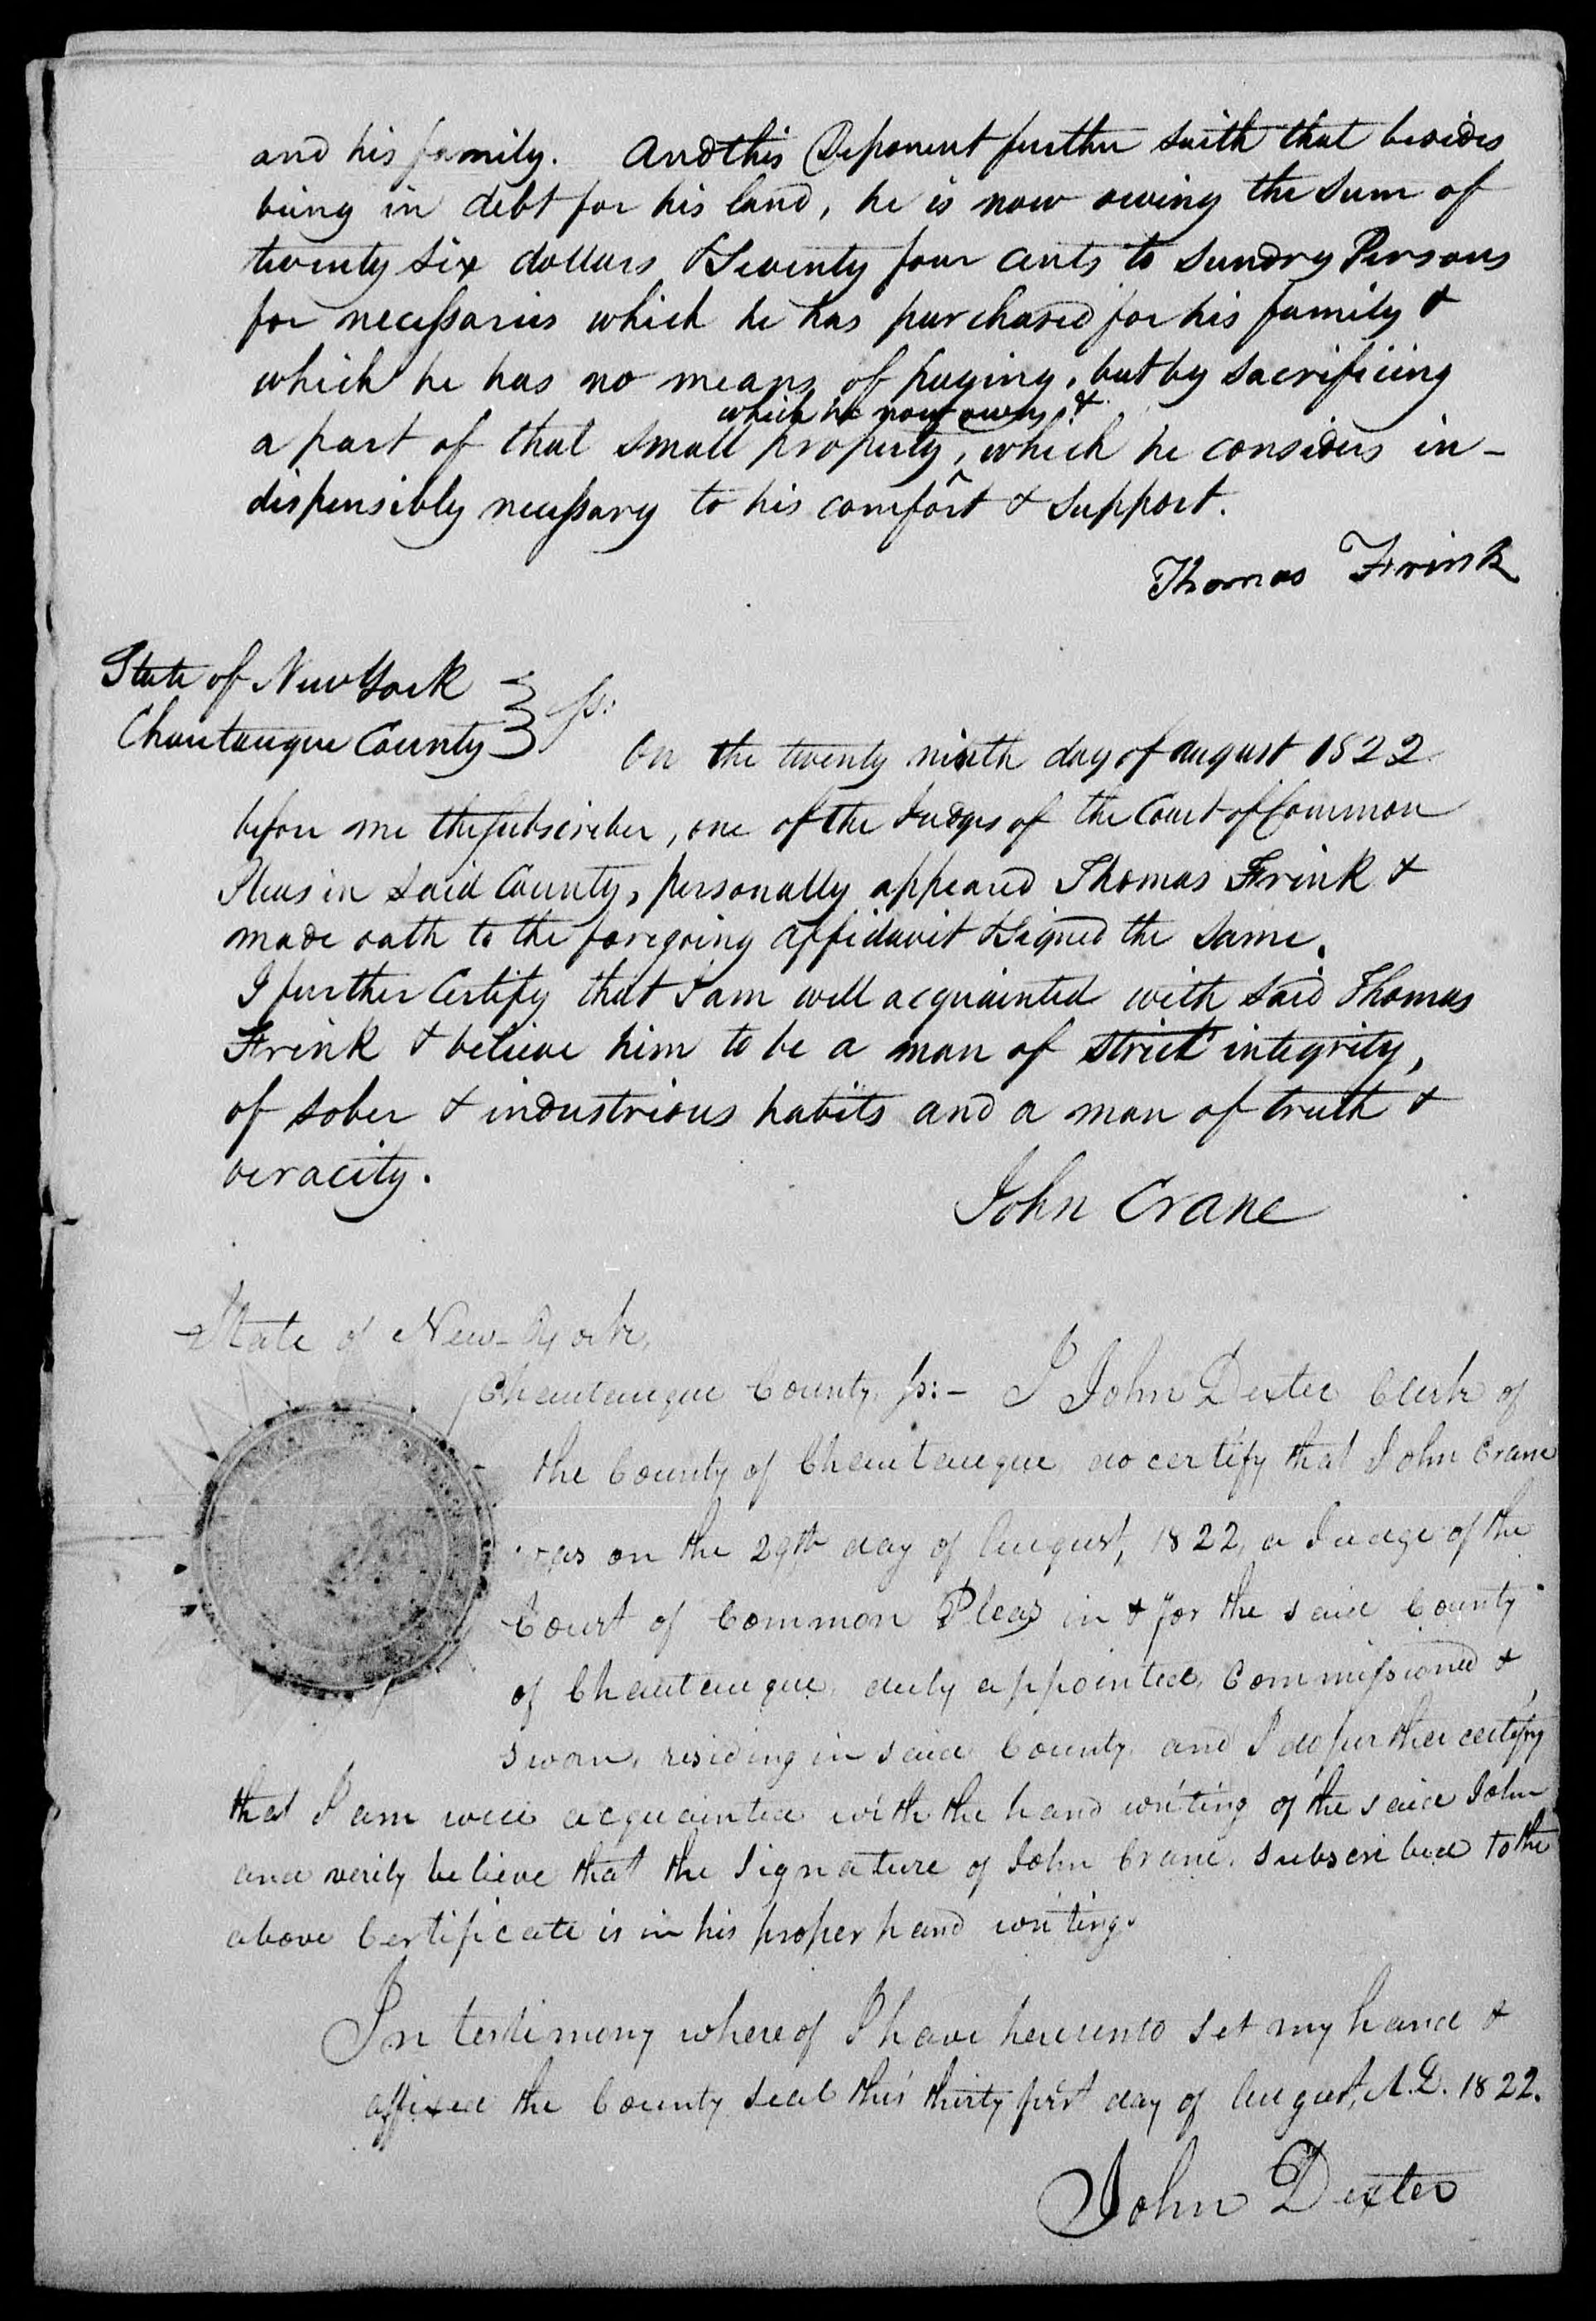and his family.  Another Deponant further saith that because of being in debt for his land, he is now owing the Sum of twenty six dollars & seventy four cents to sundry Persons for necessaries which he has purchased for his family & which he has no means of paying, but by sacrificing a part of that small property which he now owns & which he considers indispensably necessary to his comfort & support.             Thomas Frink

State of New York}
Chautauqua County}Ss     On the twenty ninth day of August 1822 before me the subscriber, one of the Judges of the Court of Common Please in said County, personally appeared Thomas Frink & made oath to the foregoing affidavit & signed the Same.  I further Certify that I am well acquainted with said Thomas Frink & believe him to be a man of strict integrity, of sober & industrious habits and a man of truth & veracity.
                                                   John Crane


State of New York,
Chatauqua County Ss. -  I John Dexter, Clerk of the County of Chautauqua do certify that John Crane was on the 29th day of August, 1822 a Judge of the Court of Common Pleas in & for the said County of Chautauqua duly appointed, Commissioned & sworn, residing in said County and I do further certify that I am well acquainted with the hand writing of the said John and verily believe that the Signature of John Crane subscribed to the above Certificate is in his proper hand writing.

    In testimony whereof I have hereunto set my hand & affixed the County Seal this thirty first day of August, A. D. 1822.
                                                             John Dexter


[there is the image of a  round, sunburst bordered seal but it is illegible]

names: John Crane, John Crane, John Dexter, Thomas Frink, Thomas Frink, John Dexter, Thomas Frink, John, John Crane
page: 21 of 33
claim: survivor's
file: S 43571, Thomas Frink, Mass.